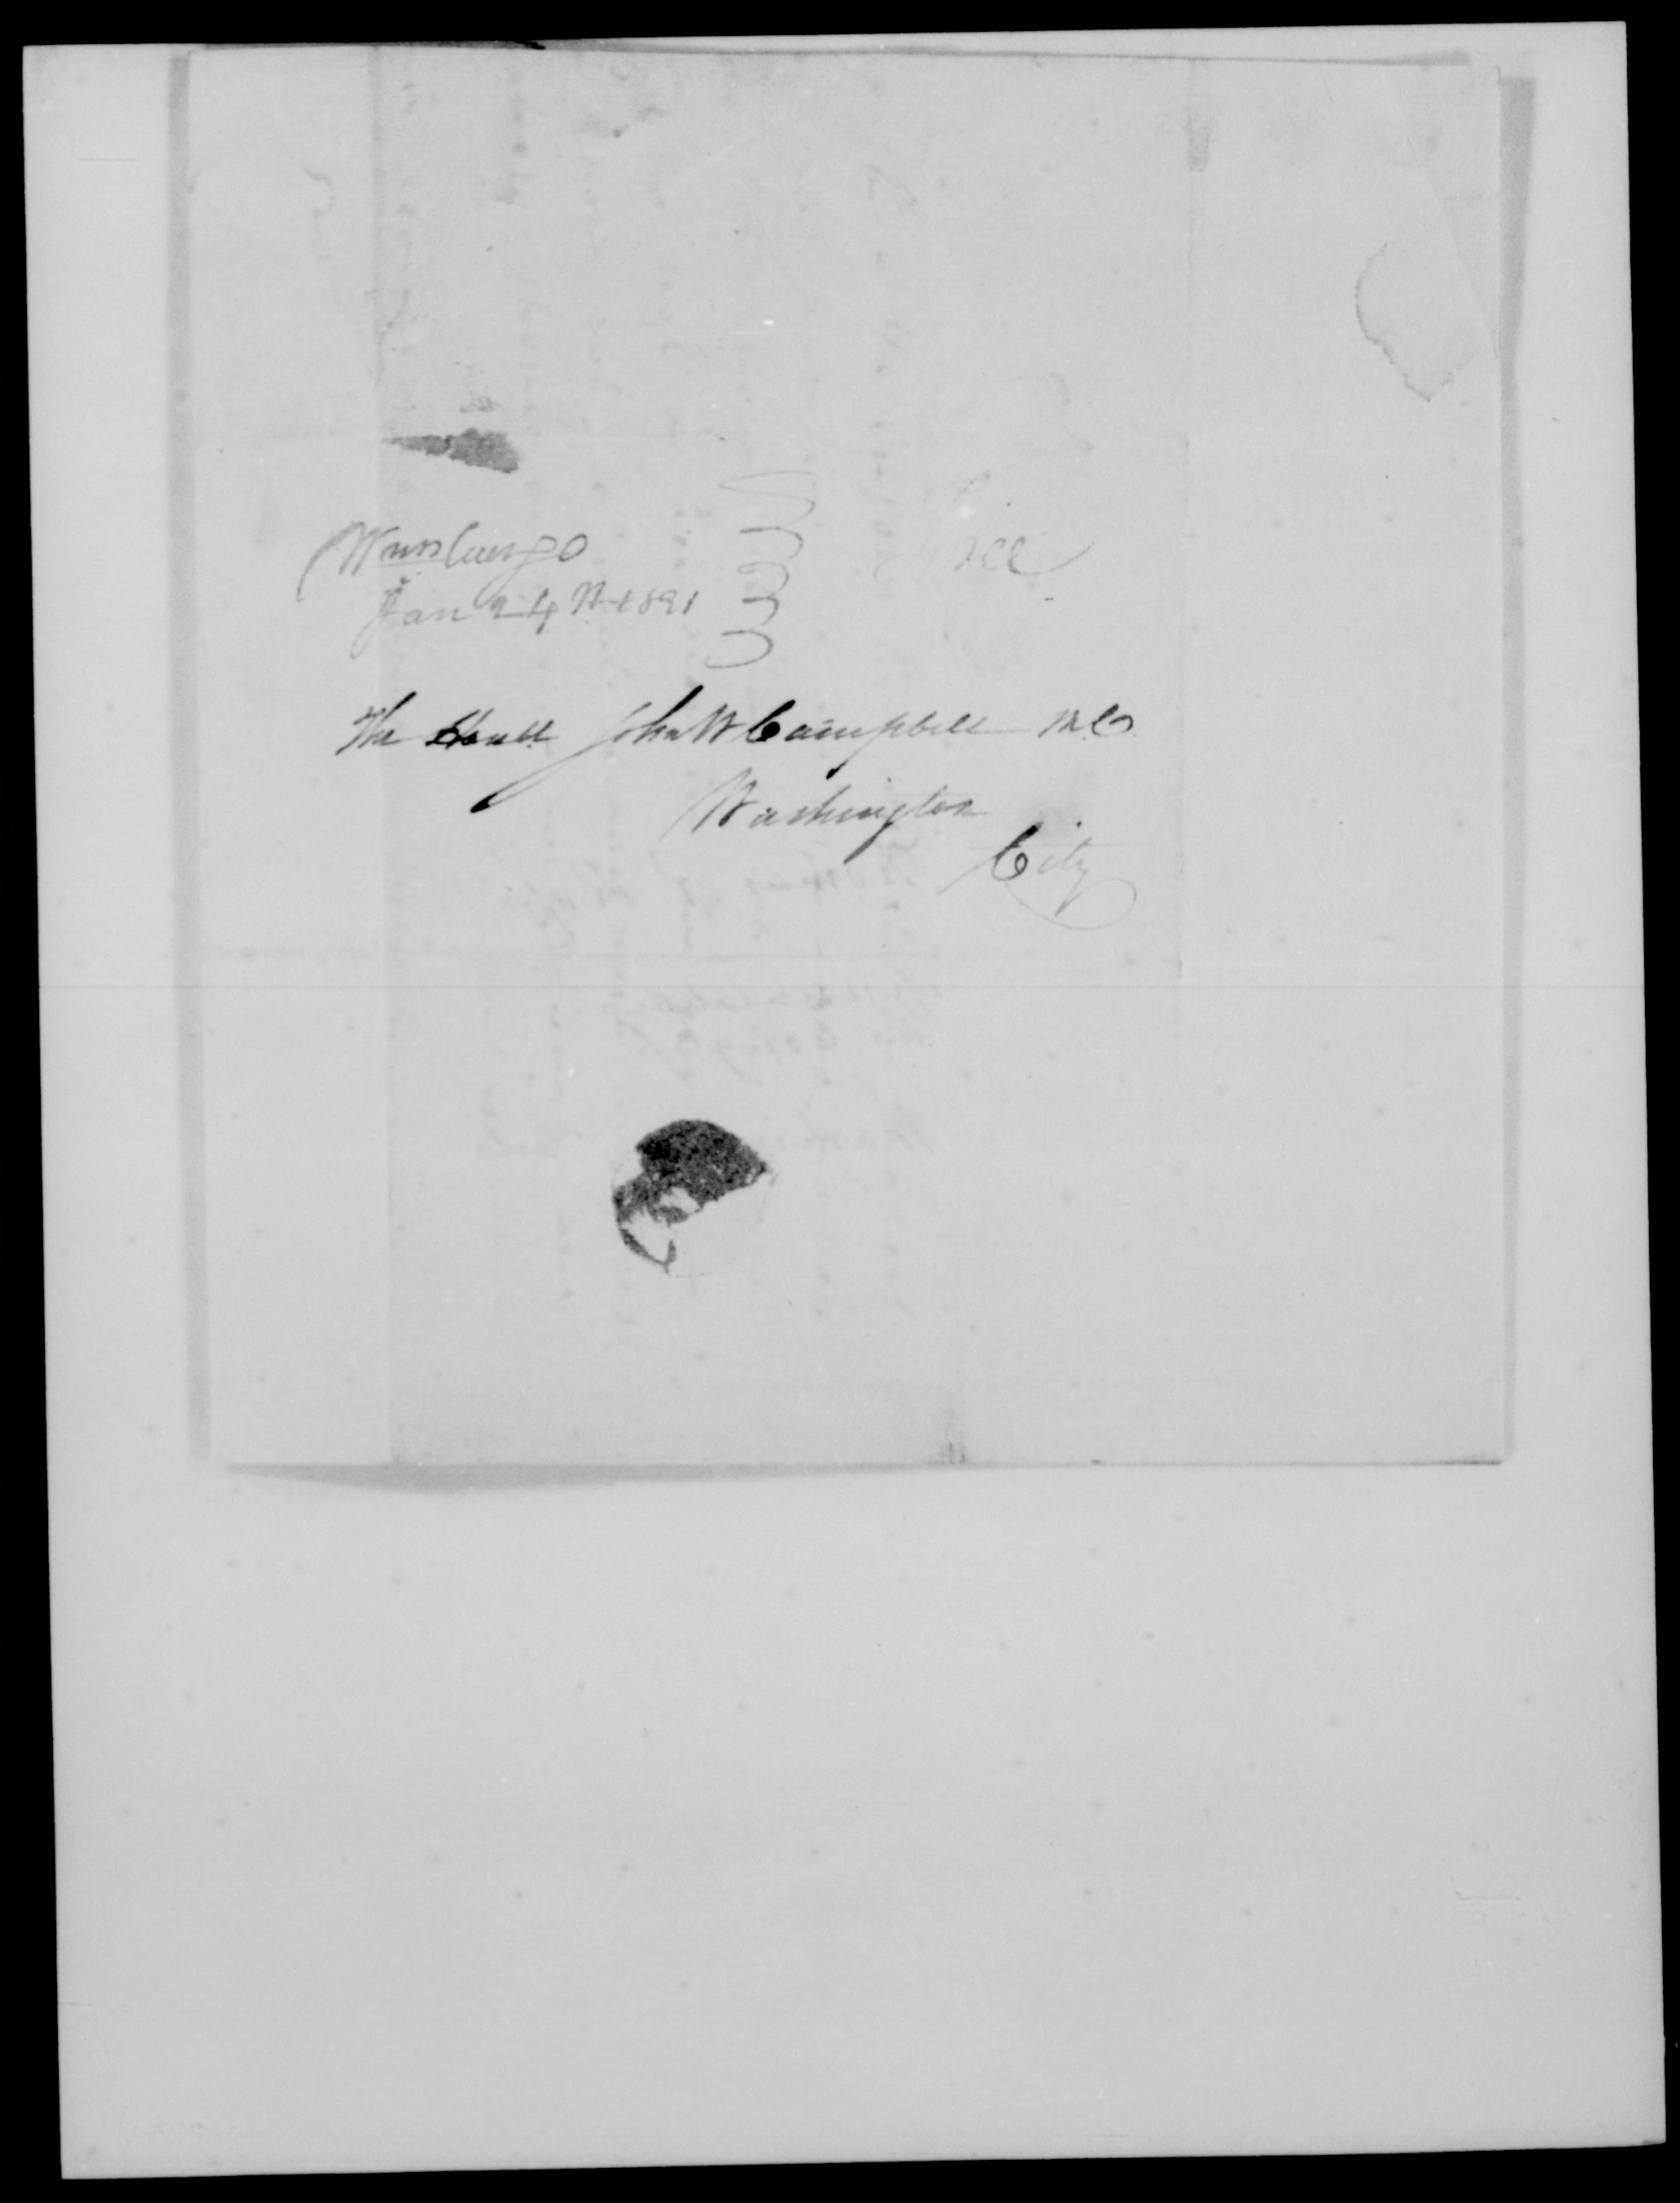Wmsburg 
Jan 24th 1891 } free 
The Honbl. John W. Campbell M. G Washington City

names: John W Campbell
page: 24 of 66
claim: survivor's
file: S 40458, for Obadiah Smith, New York